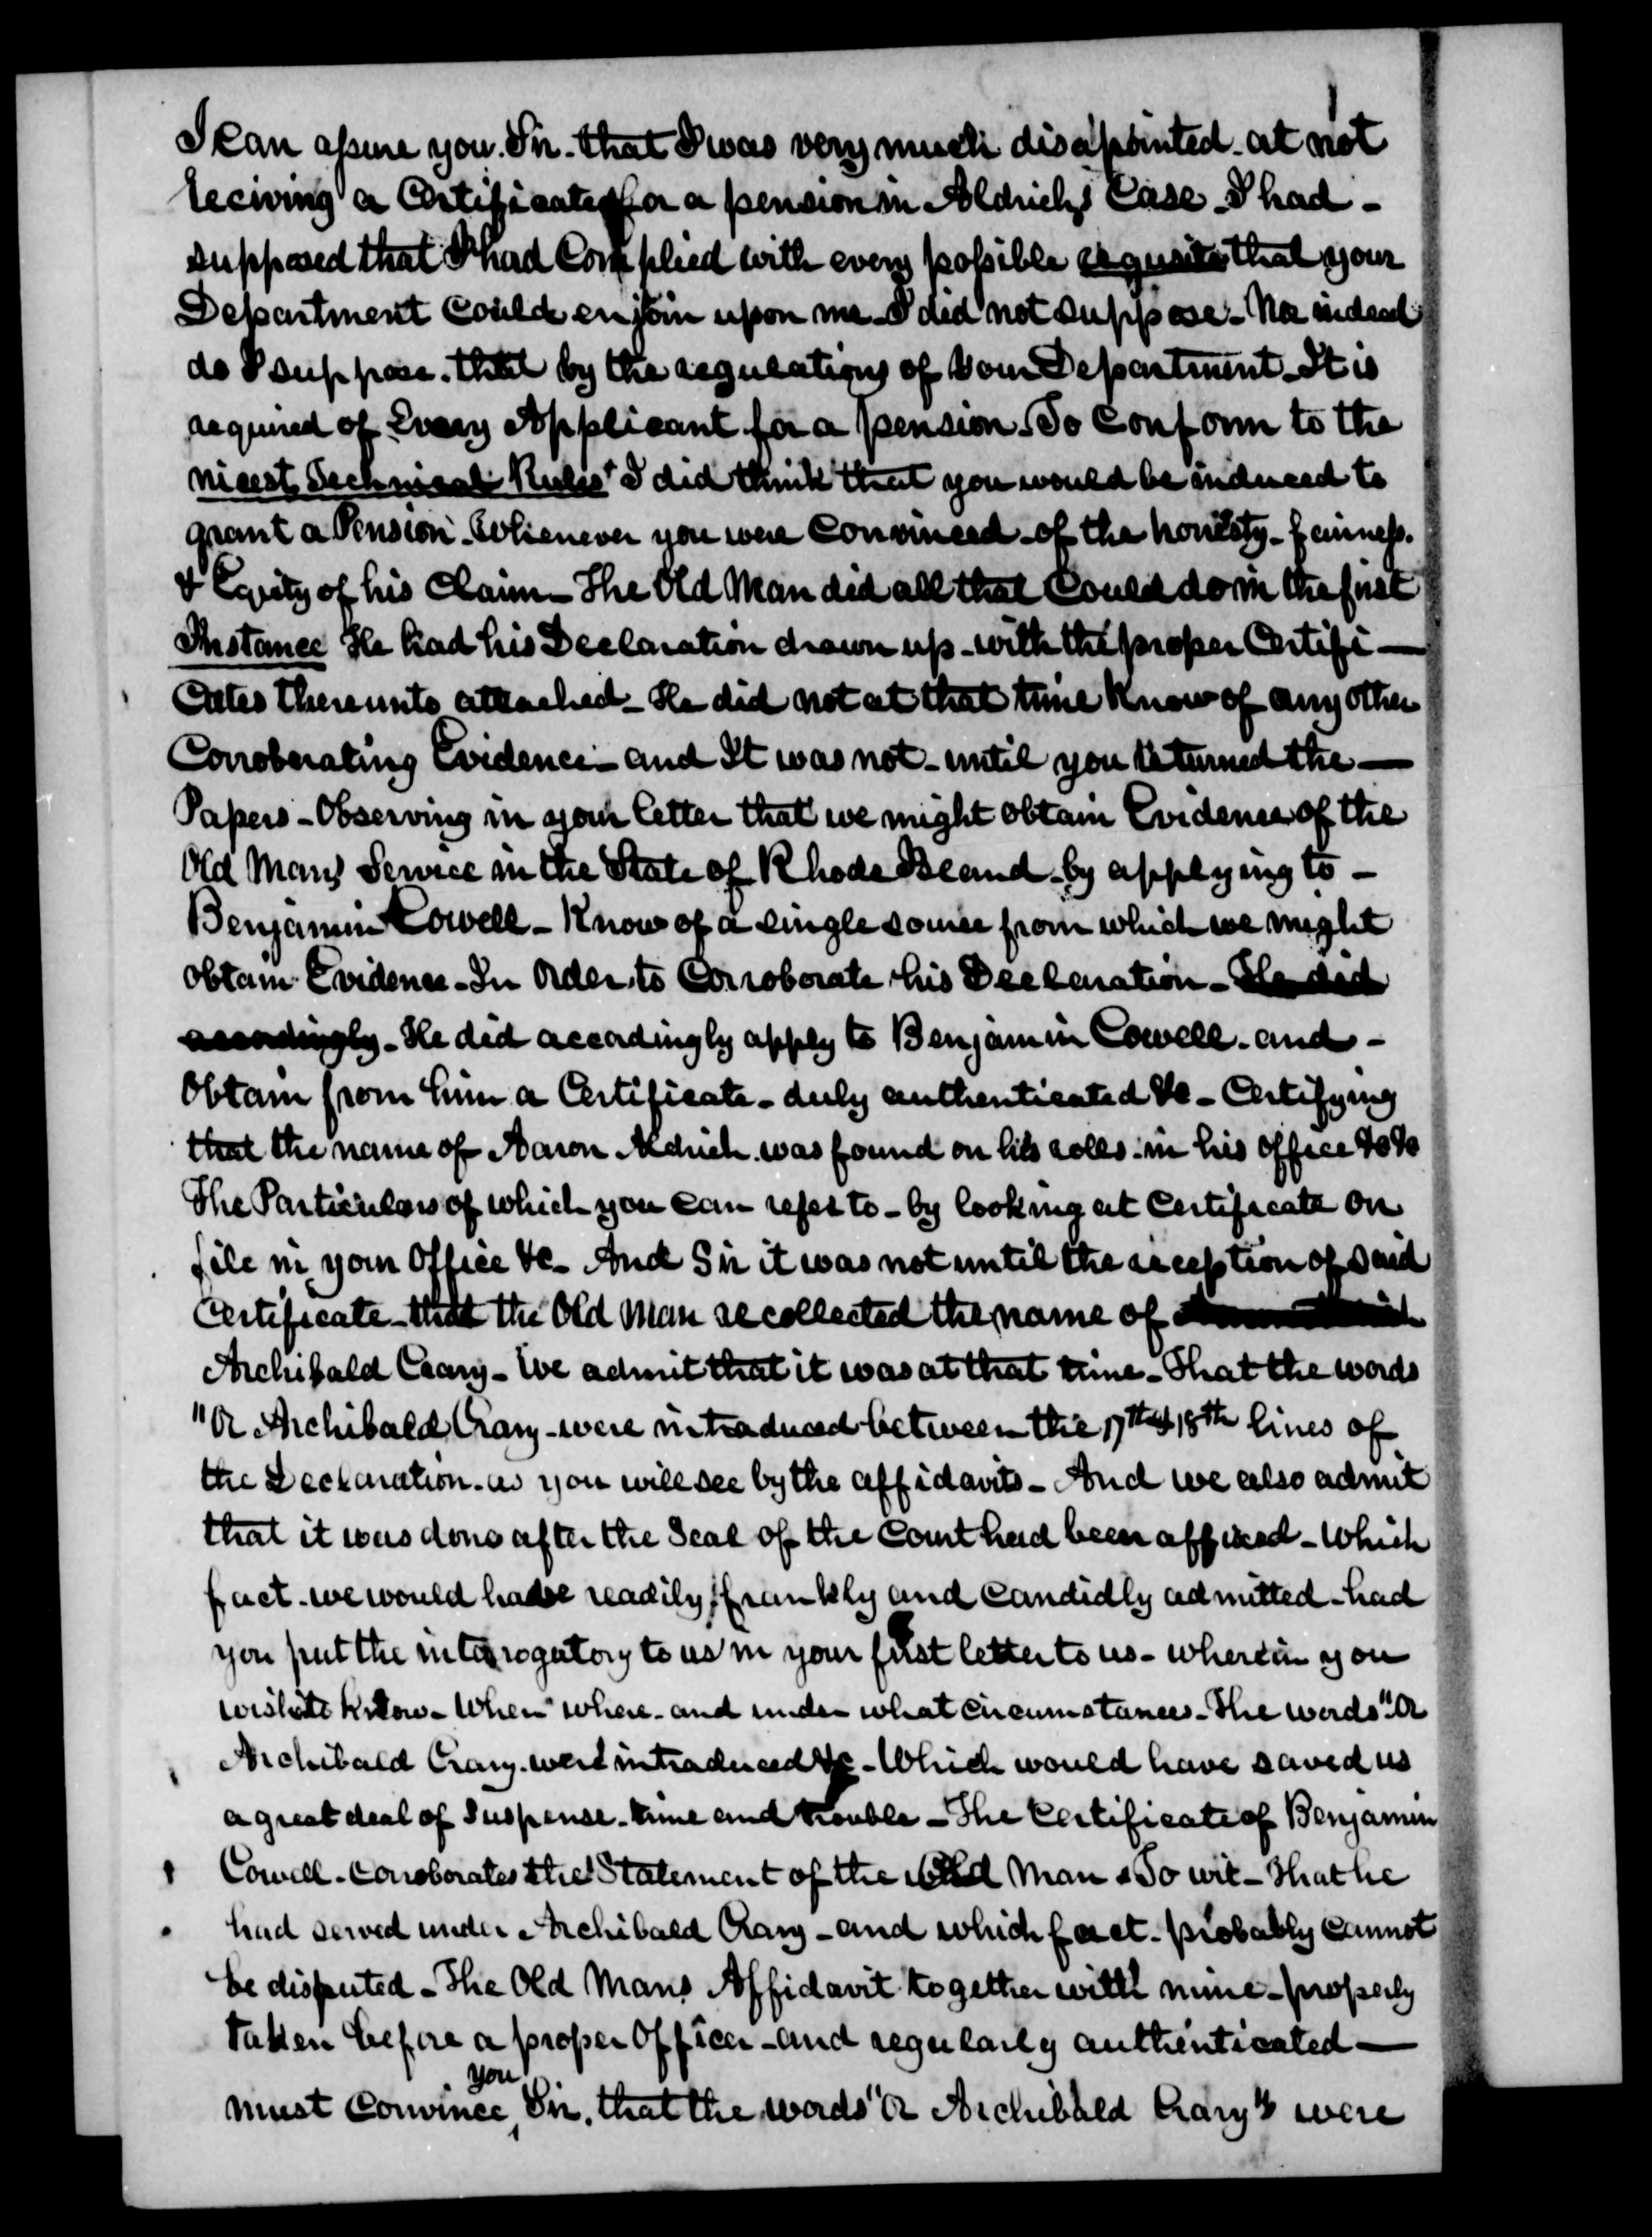I can assure you Sir that I was very much disappointed at not Receiving a Certificate for a pension in Aldrich Case. I had supposed that I had complied with every possible requesite that your Department could enjoin upon me. I did not suppose- Nor indeed do I suppose that by the regulations of your Department. It is
recquired of Every Applicant for a pension to conform to the nicest Technical Rules & I did think that you would be induced to grant a pension.  Whenever you were convinced of the honesty, fairness, & Equity of this claim- The Old man did all that could do in the first  Instance He had his Declaration drawn up with the proper certificates thereunto attached. He did not at that time know of any other
Corroborating Evidence and It was not until you returned the Papers- observing in your letter that we might obtain Evidence of the Old Mans Service in the State of Rhode Island by applying to - Benjamin Cowell- Know of a single source from which we might obtain Evidence. In order to corroborate his Declaration ['he did accordingly' crossed out] He did accordingly apply to Benjamin Cowell and obtain from him a certificate- duly authenticated &c. certifying
that the name of Aaron Aldrich was found on his rolls in his office &c &c.  The Particulars of which you can refer to by looking at Certificate on file in your office &c. And Sir it was not until the reception of said certificate that the old man recollected the name of Archibald Crary. We admit that it was at that time- That the words "or Archibald Crary" were introduced between the 17th & 18th lines of the Declaration, as you will see by the affidavit. And we also admit that it was done after the Seal of the Court had been affixed -which fact we would have readily frankly and candidly admitted had you put the interrogatory to us in your first letter to us, wherein you wished to know when where and under what circumstances- The words "or Archibald Crary" were introduced - Which would have saved us
a great deal of suspense, time, and trouble. The Certificate of Benjamin Cowell Corroborates the Statement of the Old Man To wit - That he had served under Archibald Crary- and which fact, probably cannot be disputed. The Old Mans Affidavit together with mine- properly taken before a proper officer- and regularly authenticated must convince you SIr, that the words "or Archibald Crary" were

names: Archibald Crary; Aaron Aldrich; Archibald Crary; Benjamin Cowell; Benjamin Cowell; [BLANK] Aldrich; Benjamin Cowell; Archibald Crary; Archibald Crary; Archibald Crary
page: 31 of 35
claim: rejected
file: R. 9601, for John Simson, New Jersey